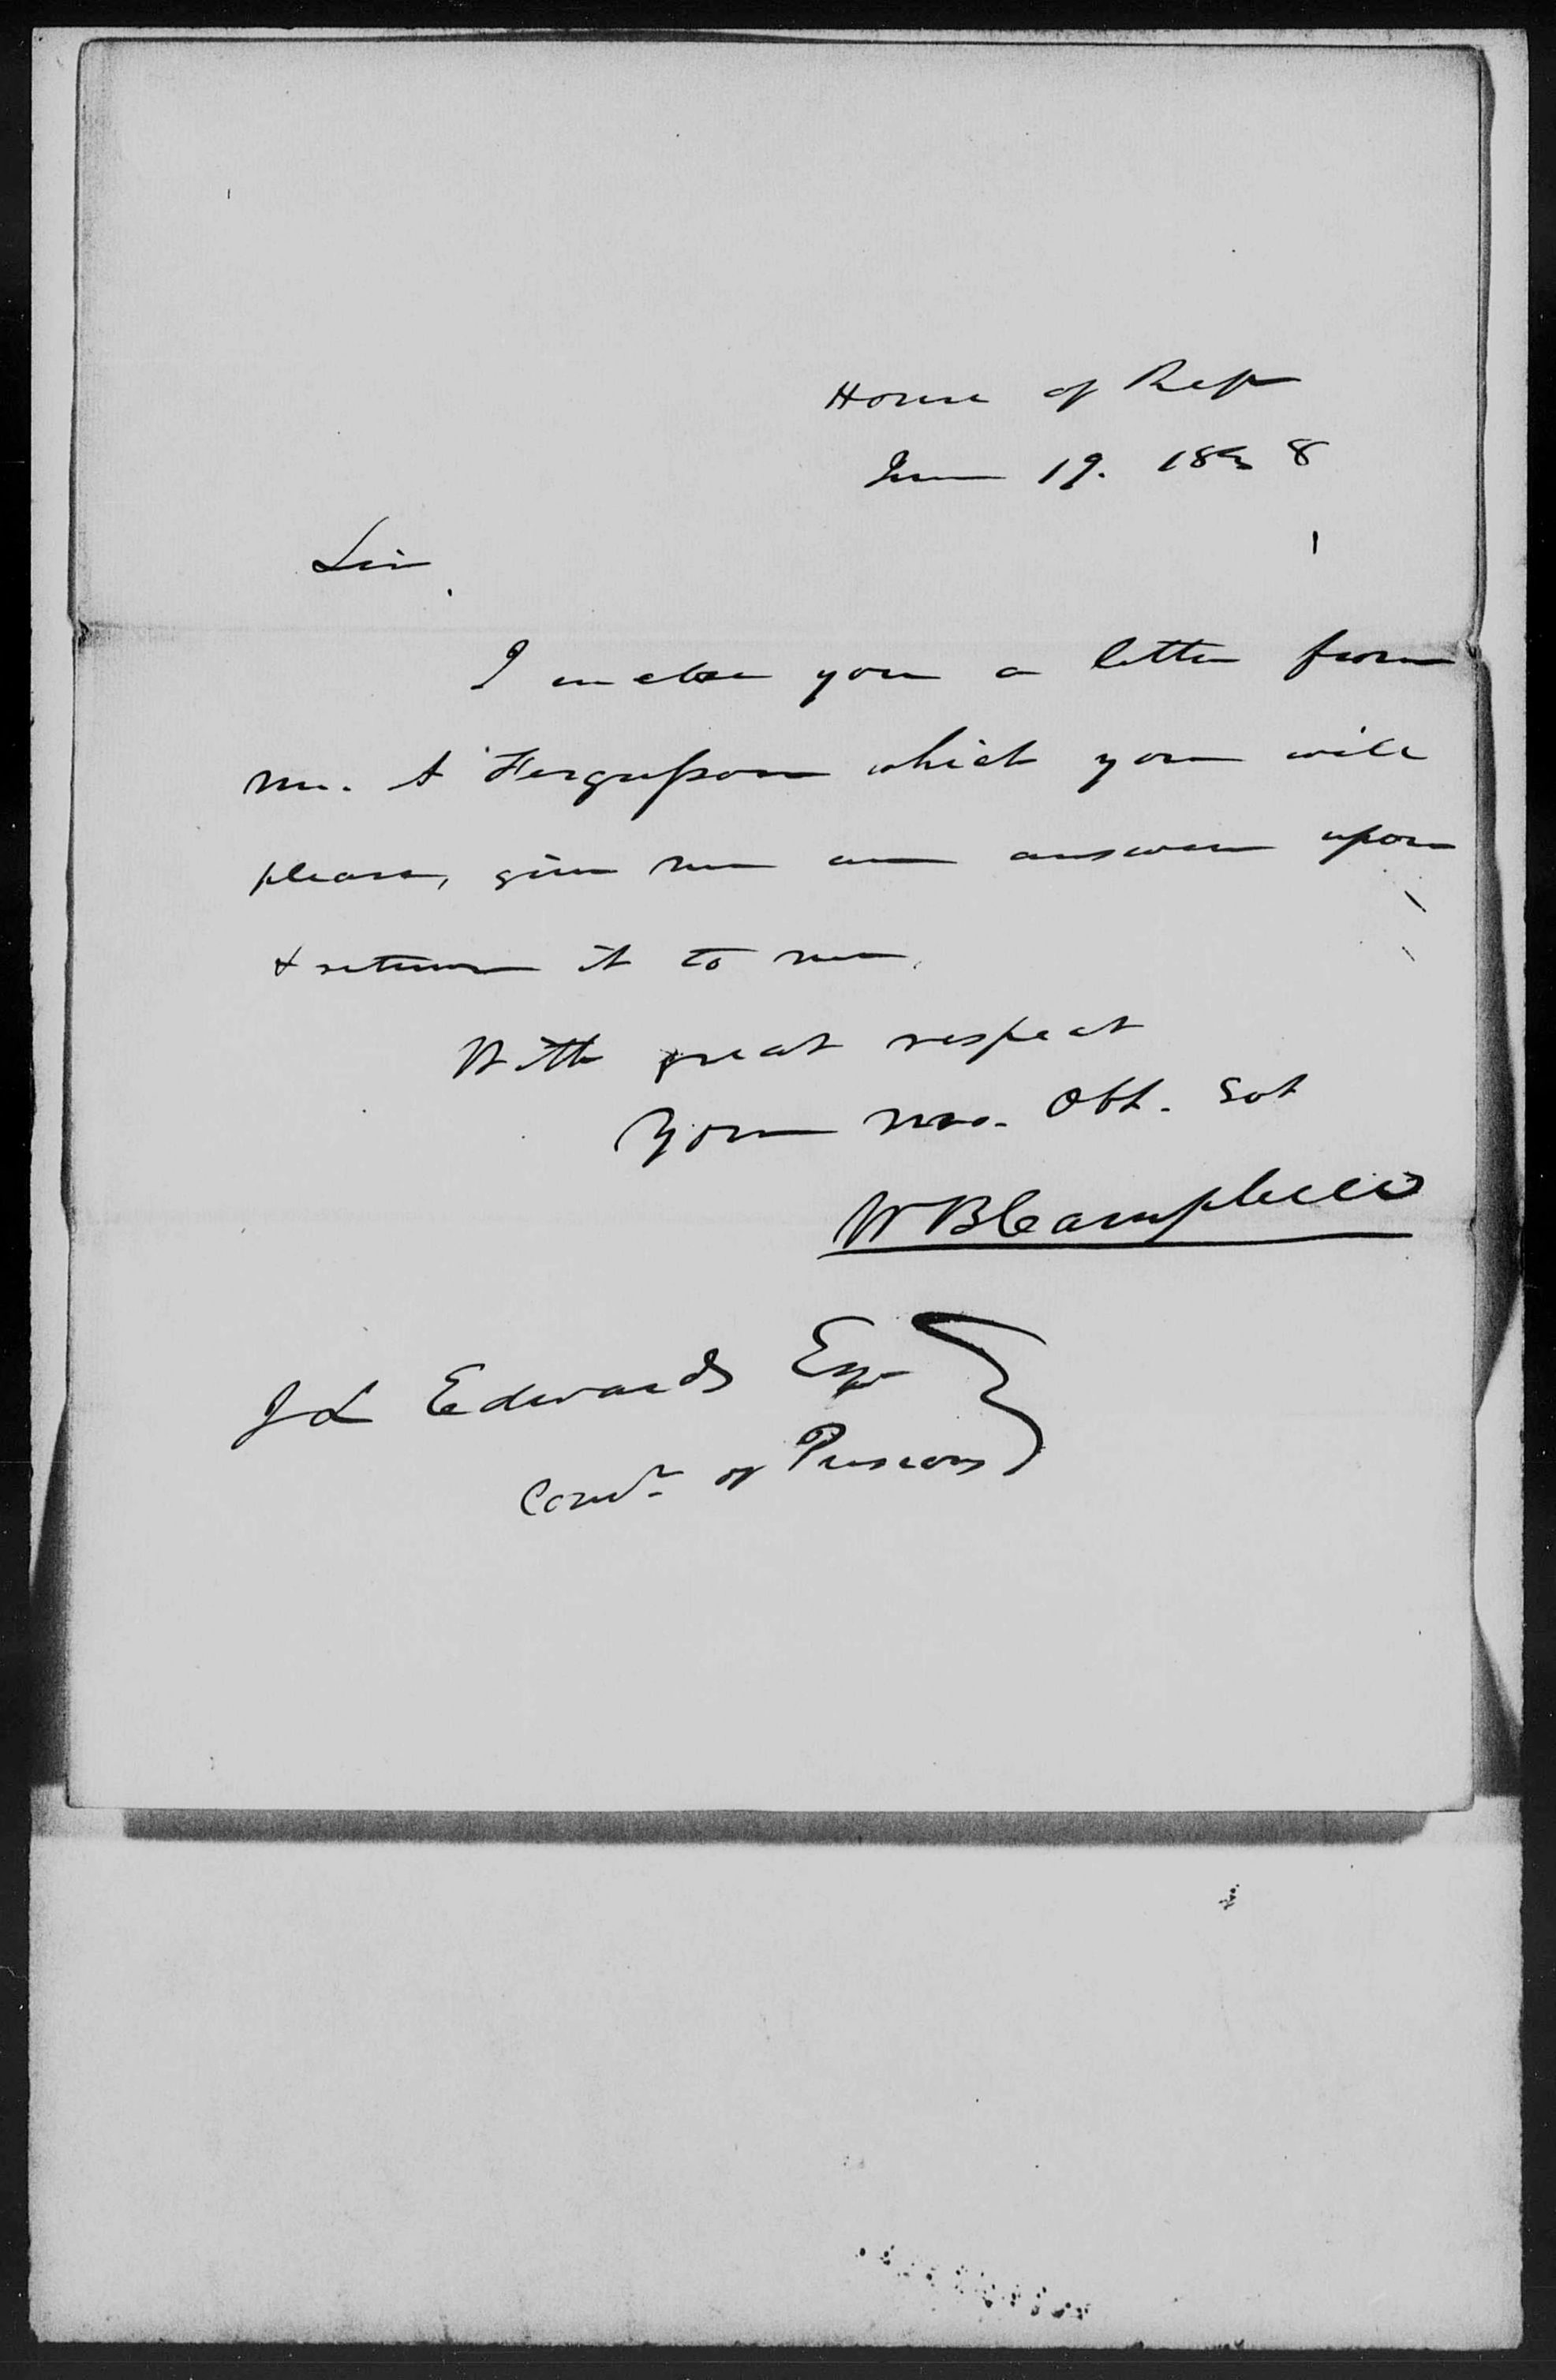House of Representatives
June 19. 1838

Sir,
I enclose  you a letter from 
Rec. A Fergusson which you will
Please, given now [illegible] assurance upon
+ return it to me.
With [illegible respect
You [illegible] off. [illegible]
WB Campbell 
JL Edwards Esq } 
Court of Peace}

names: W B Campbell, A Fergusson, J L Edwards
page: 38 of 62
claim: widow's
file: W 7005, Frederick Debow, N.C.